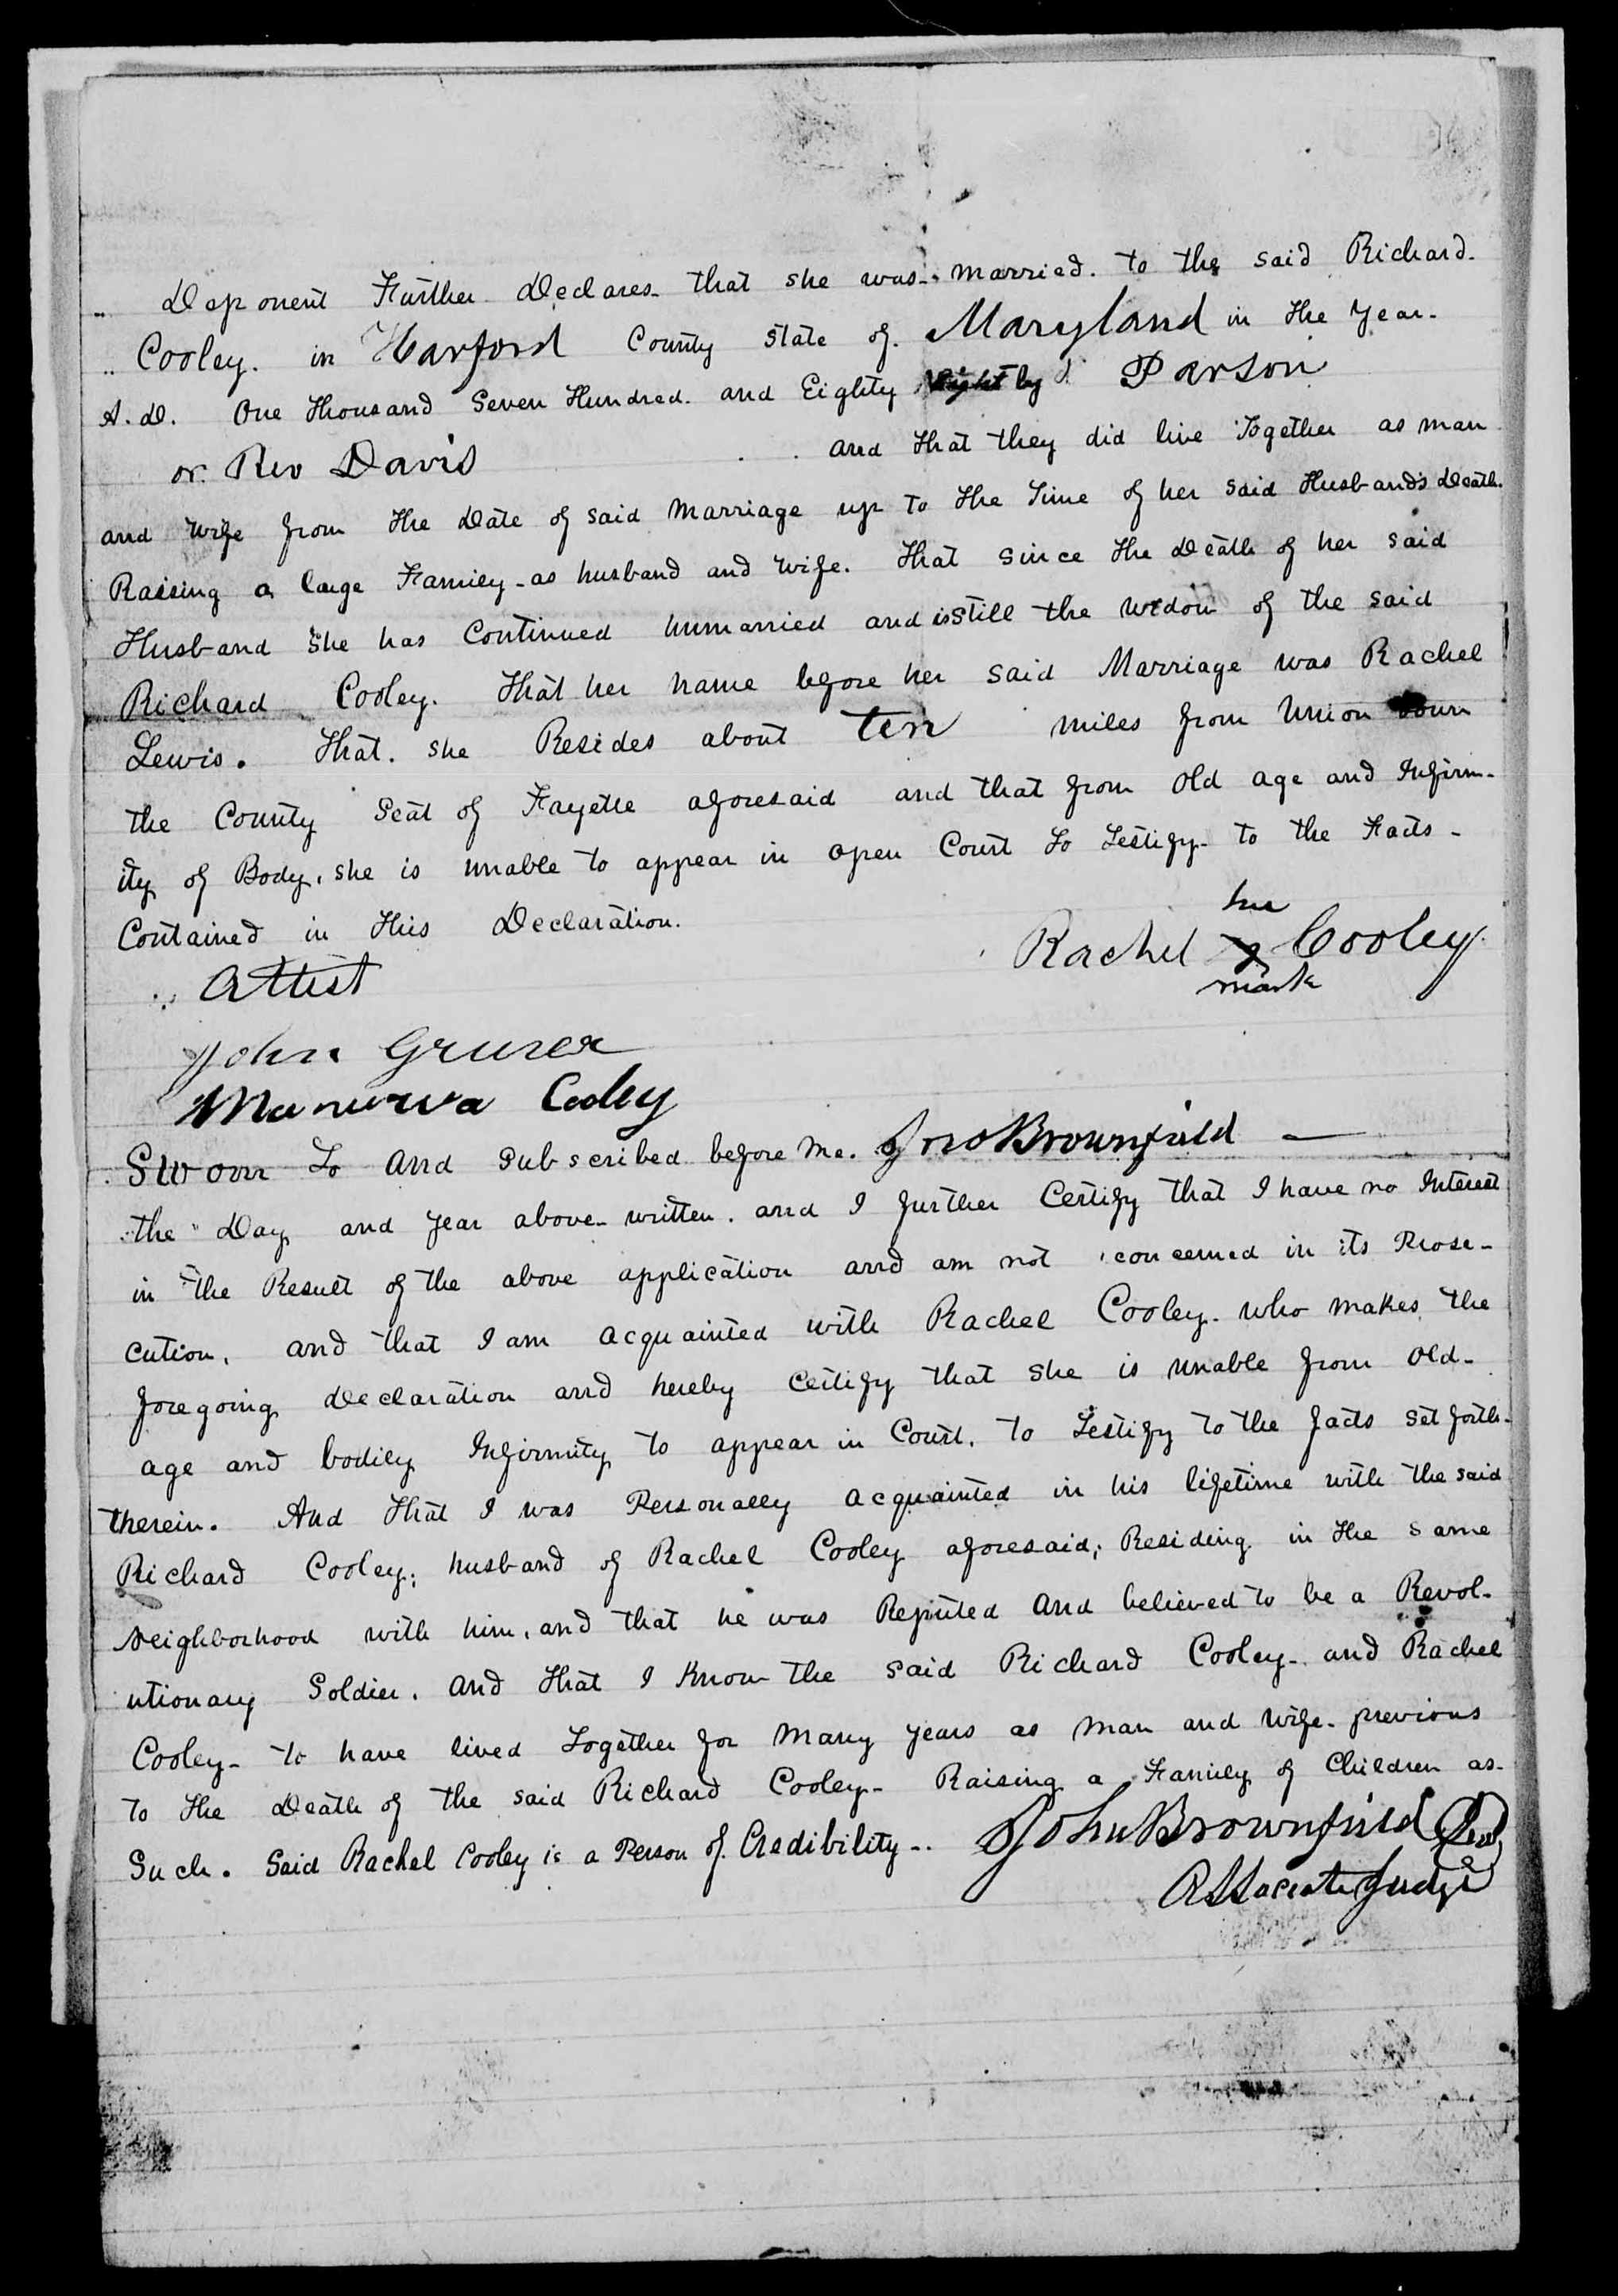Deponent Further Declares that she was married to the said Richard Cooley in Harford County state of Mayland in the year A.D. One thousand Seven Hundred and Eighty Eight by Parson or Rev Davis and that they did live Together as man and wife from the date of said Marriage up to the time of her said Husbands death raising a large Family as husband and wife.  That since the death of her said Husband she has Continued unmarried and is still the widow of the said Richad Colley.  that her name before he said Marriage was Rachel Lewis.  that she Resides about ten miles from Union Town the County Seat of Fayette aforesaid and that from old age and infirmity of Body, she is unable to appear in open Court to testify to the facts Contained in this Declaration. 
Attest   Rachel her mark Cooley
John Gruver
Manurva Cooley

Sworn To and subscribed before me John Brownfield-- the day and year above written and I further Certify that I have no interest in the Result of the above application and am not concerned in its Prosecution, and that I am acquainted with Rachel Cooley who makes the foregoing declaration and hereby certify that she is unable from old age and bodily infirmity to appear in Court to testify to the facts set forth therein.  And that I was Personally acquainted in his lifetime with the said Richard Coley, husband of Rachel Cooley aforesaid, residing in the same neighborhood with him, and that he was Reputed and believed to be a Revolutionary Soldier. and that I know the said Richard Cooley and Rachel Cooley to have lived together for many years as man and wife previous to the death of the said Richard Cooley.  Raising a family of children as such.  Said Rachel Cooley is a Person of Credibility.
John Brownfield 
Associate Judge [hand dwon seal]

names: Rachel Cooley, Richard Cooley, Parson, Rachel Cooley, Rachel Cooley, Richard Cooley, John Gruver, Rachel Cooley, Rachel Cooley, John Brownfield, Jno Brownfield, Richard Cooley, Manerva Cooley, Richard Cooley, Rachel Lewis, Davis, Richard Cooley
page: 8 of 19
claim: rejected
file: R. 2,283, Richard Cooley, Md.